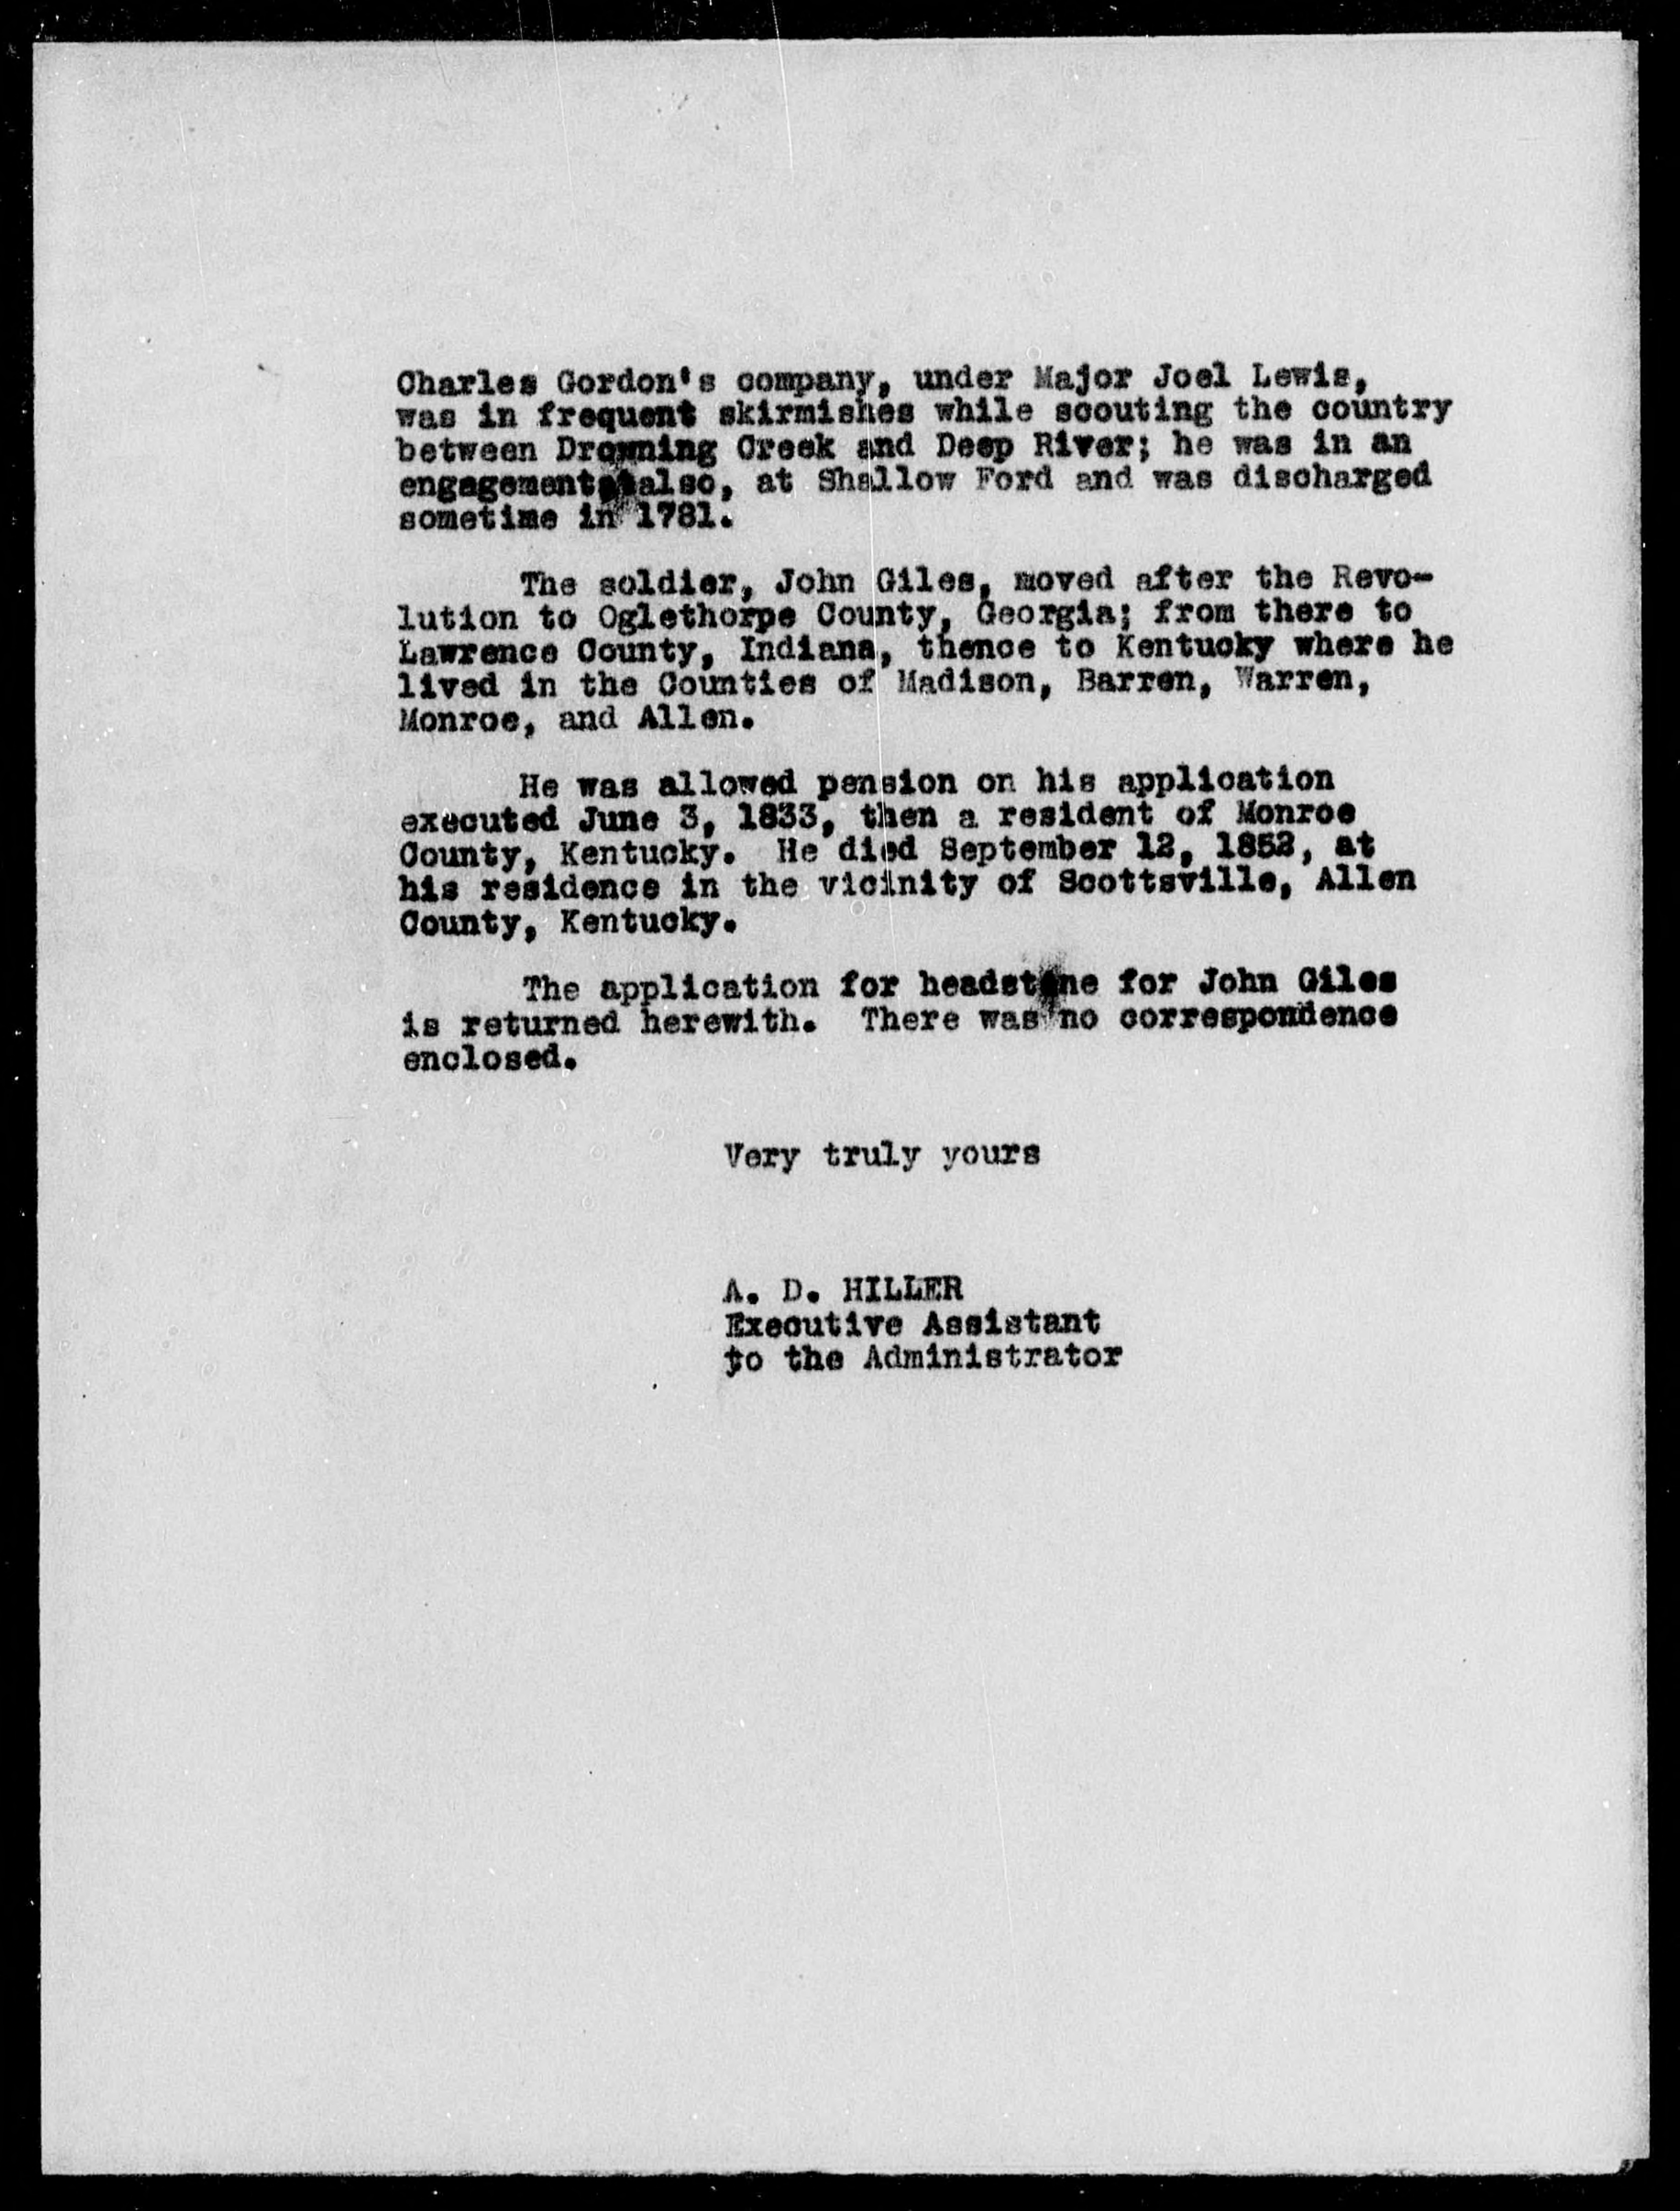Charles Gordon's company, under Majo Joel Lewis, was in frequent skirmishes while scouting the country between Dreaming Creek and Deep River; he was in an engagement also, at Shallow Ford and was discharged sometime in 1781.

The soldier, John Gils, moved after the Revolution to Oglethrope County, Georgia; from there to Lawrence County, Indiana, thence to Kentucky where he lived in the Counties of Madison, Barren, Warren, Monroe, and Allen.

He was allowed pension on his application executed June 3, 1833, then a resident of Monroe County, Kentucky. He died September 12, 1852, at his residence in the vicinity of Scottsville, Allen County, Kentucky.

The application for headstone for John Giles is returned herewith. There was no correspondence enclosed.

Very truly yours

A.D. Hilder
Executive Assistant
to the Administrator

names: John Giles, Joel Lewis, A D Hiller, John Giles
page: 79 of 82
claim: widow's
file: W. 7,522, John Giles, N.C.